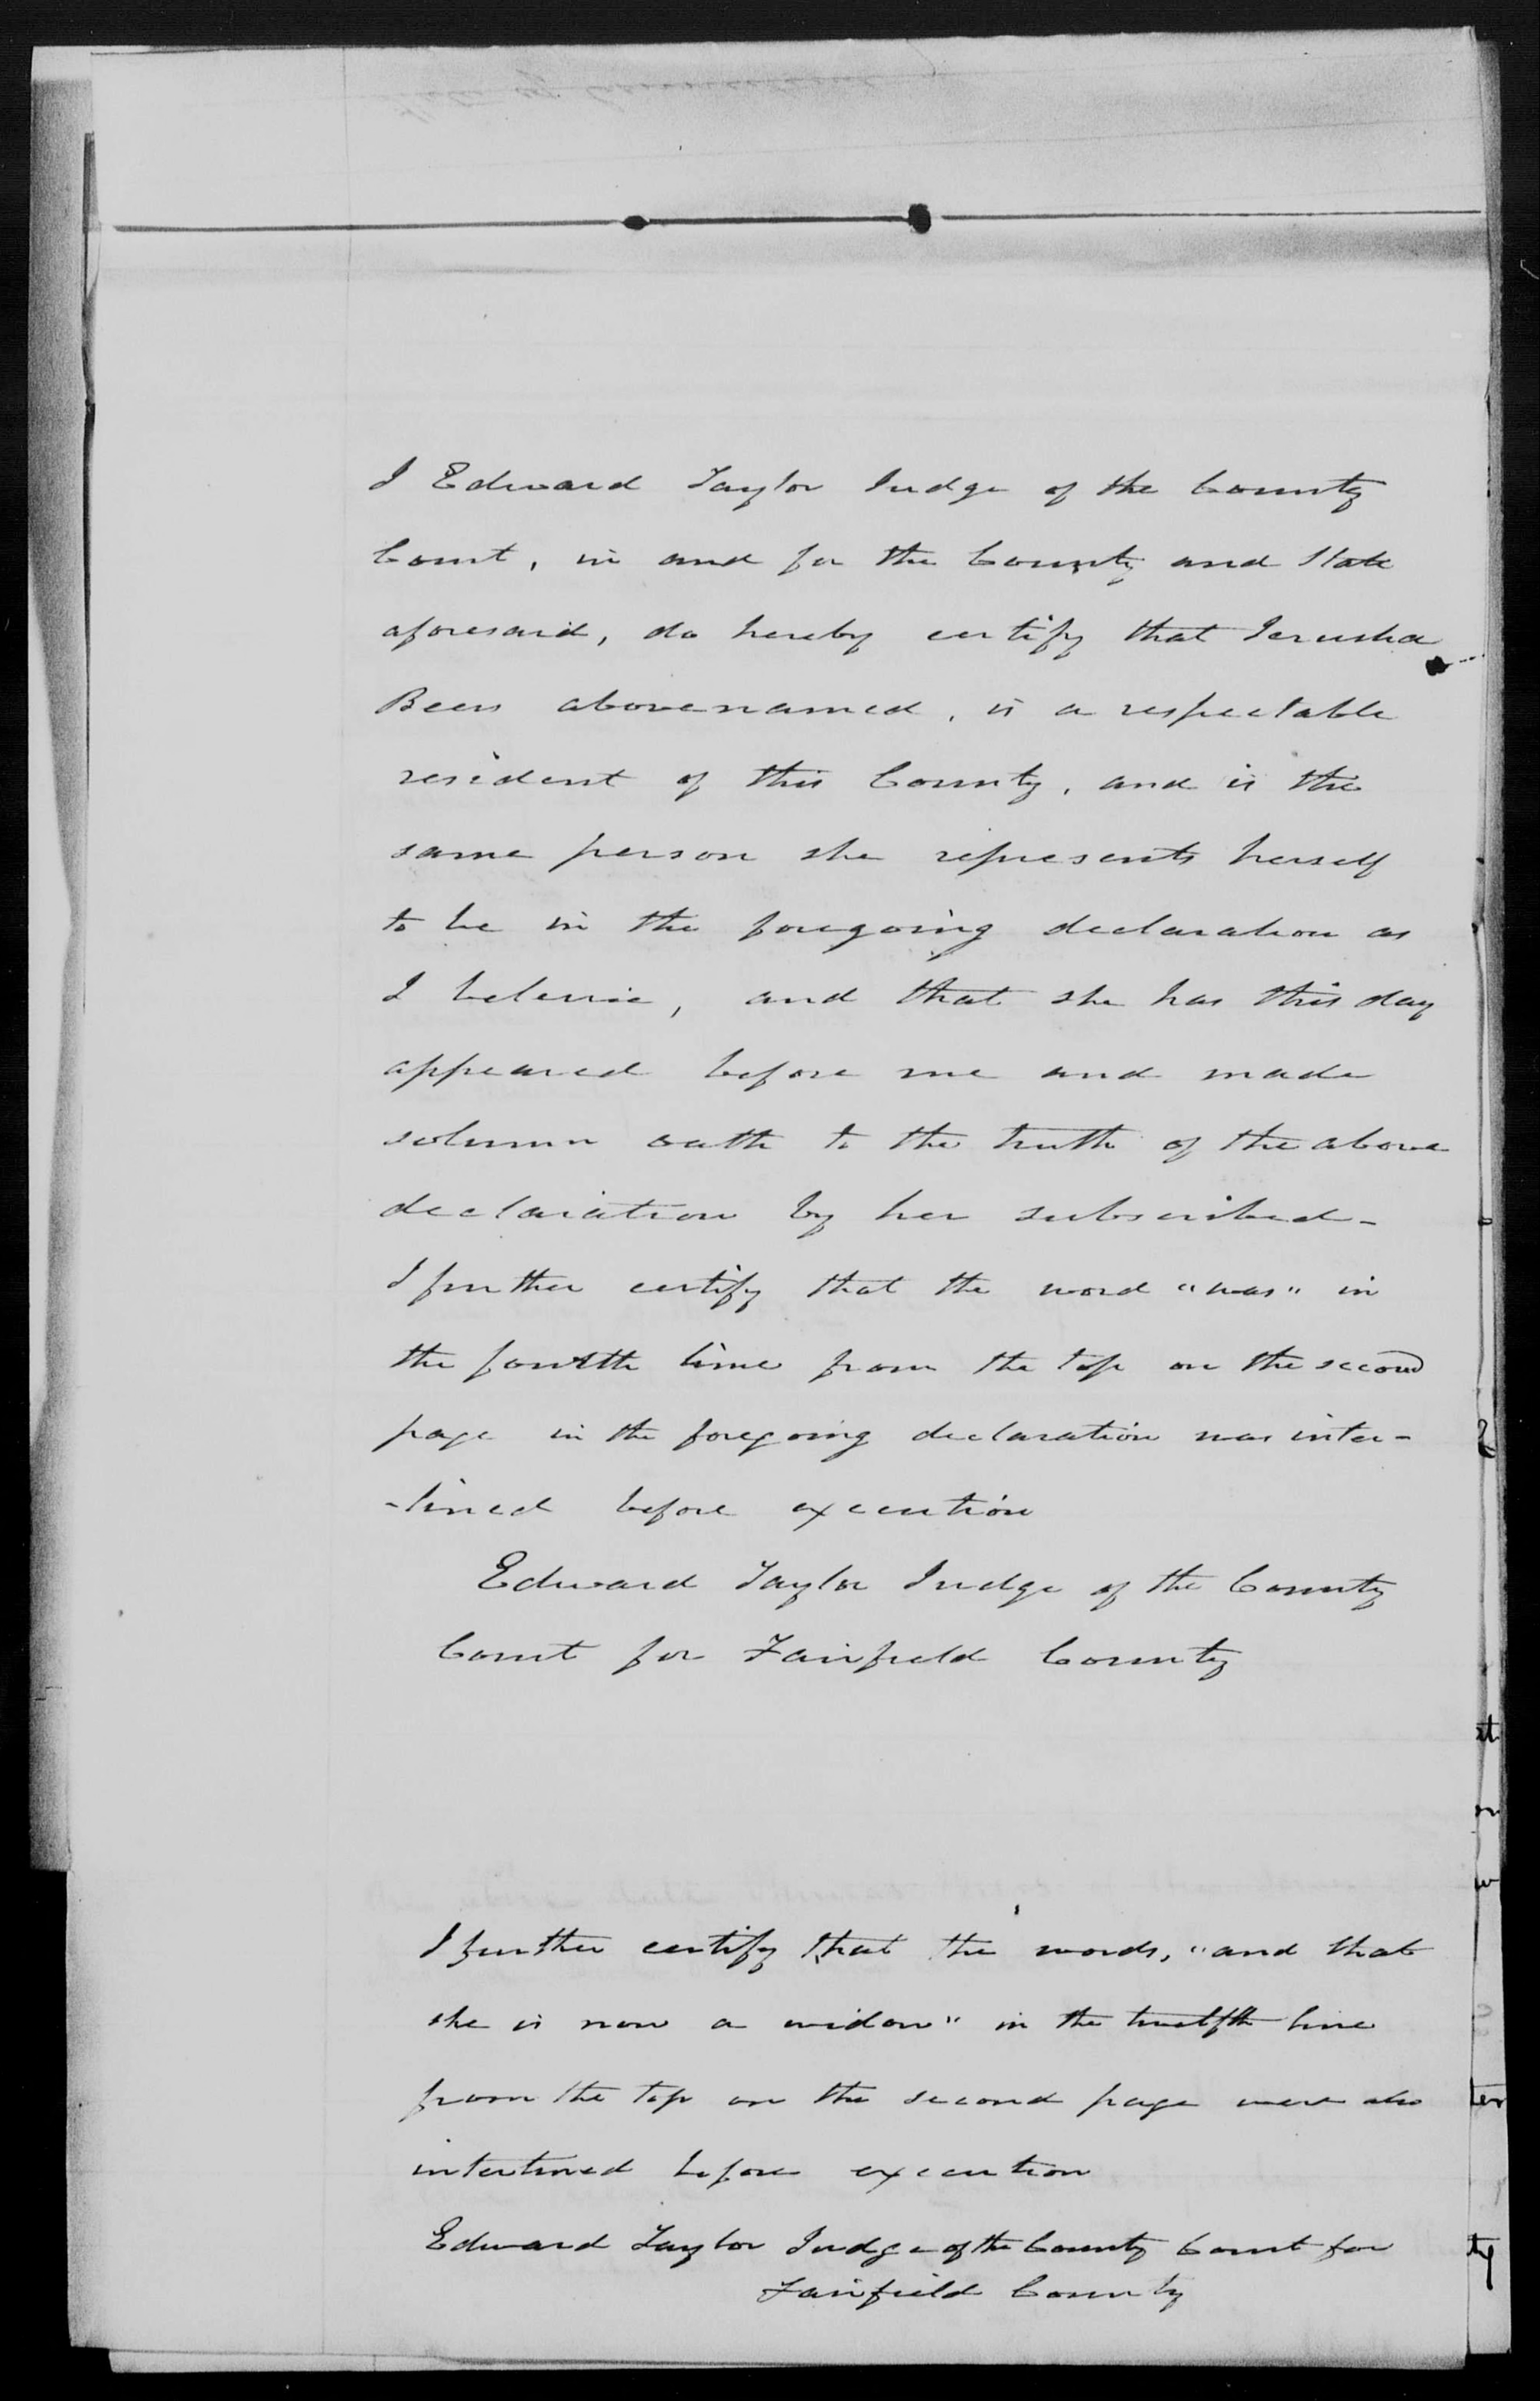I Edward Taylor Judge of the County Court, in and for the County and State aforesaid, do hereby certify that Jerusha Beers above named, is a respectable resident of this County, and is the same person she represents herself to be in the foregoing declaration as I believe, and that she has this day appeared before me and made solemn oath to the truth of the above declaration by her subscribed- I further certify that the word "was " in the fourth line from the top on the second page in the foregoing declaration was interlined before execution.
Edward Taylor Judge of the County Court for Fairfield County 

I further certify that the words, "and that she is now a widow" in the twelfth line from the top on the second page were also interlined before execution. 
Edward Taylor Judge of the County Court for Fairfield County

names: Jerusha Beers, Edward Taylor, Edward Taylor, Edward Taylor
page: 18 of 39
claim: widow's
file: W. 2,056, Squire Ambler, Continental (Sol. Res. In N.Y. & Conn.)